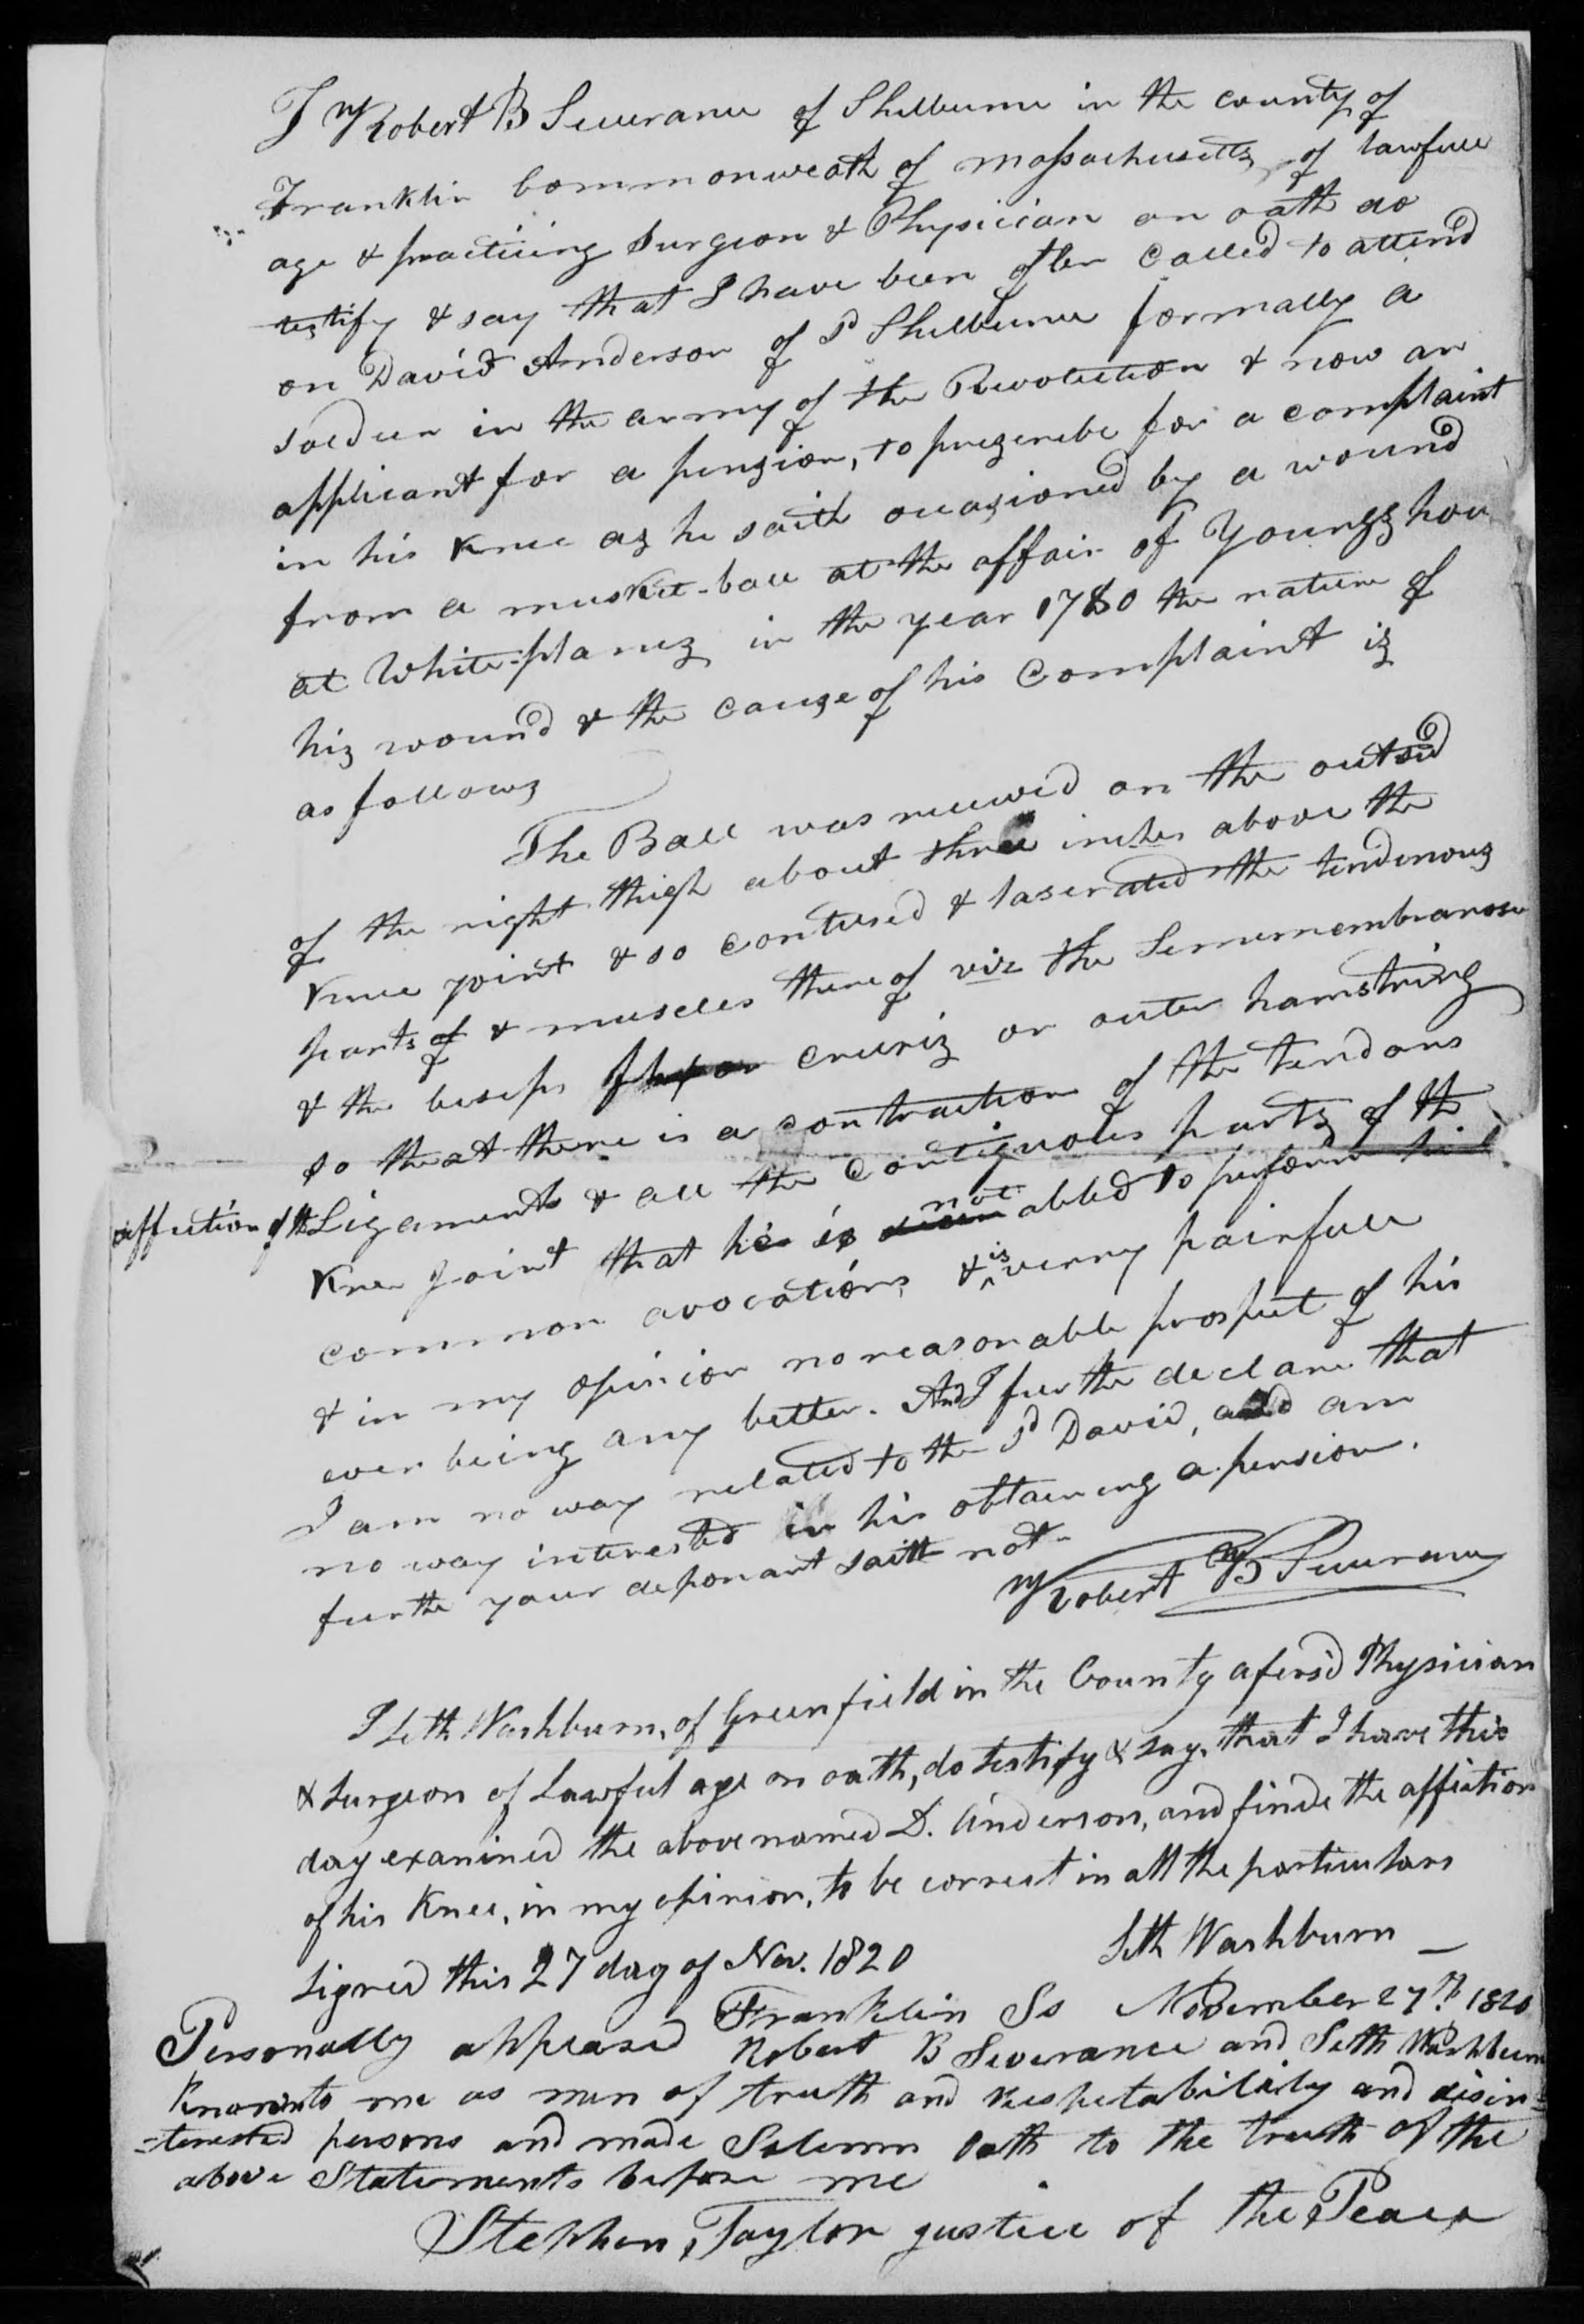I Robert B Severance of Shelburne in the County of
Franklin Commonweath of Massachusetts, of lawfull
age & practicing Surgeon & Physician on oath do
testify & say that I have been often called to attend
on David Anderson of sd Shelburne formally a
Soldier in the army of the Revolution & now an
applicant for a pension, to prescribe for a complaint
in his knee as he saith occasioned by a wound
from a musket ball at the affair of Youngs house
at White planes in the year 1780 the nature of
his wound & the cause of his complaint is
as follows
The Ball was received on the outside
of the right thigh about three inches above the
knee joint & so continued & laserated the tendonous
parts & muscles thereof viz the [illegible] membranes
& the biseps of [illegible] [illegible] or outer hamstring
so that there is a contraction of the tendons
affection of ligaments & all the contiguous parts of the 
knee joint that he is not able to perform
common avocations & is very painfull
& in my opinion no reasonable prospect of his
ever being any better. And I further declare that
I am no way related to the sd David, and am
no way interested in his obtaining a pension.
further your deponant saith not.
Robert B Severence

I Seth Washburn of Greenfield in the County aforsd Physician
& Surgeon of Lawful age on oath, do testify & say, that I have this
day examined the above named D. Anderson, and find the affliction
of his knee, in my opinion, to be correct in all the parties signed
signed this 27 day of Nov. 1820   Seth Washburn
Franklin Ss November 27th 1820

Personally appeared Robert B Severance and Seth Washburn
known to me as men of truth and respectability and disinterested
persons and made Solemn oath to the truth of the
above Statements before me
Stephen Taylor Justice of the Peace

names: David Anderson, Robert B Severance, David, Robert B Severance, Robert B Severance, Stephen Taylor, Seth Washburn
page: 7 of 39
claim: widow's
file: W. 20624, David Anderson, Mass